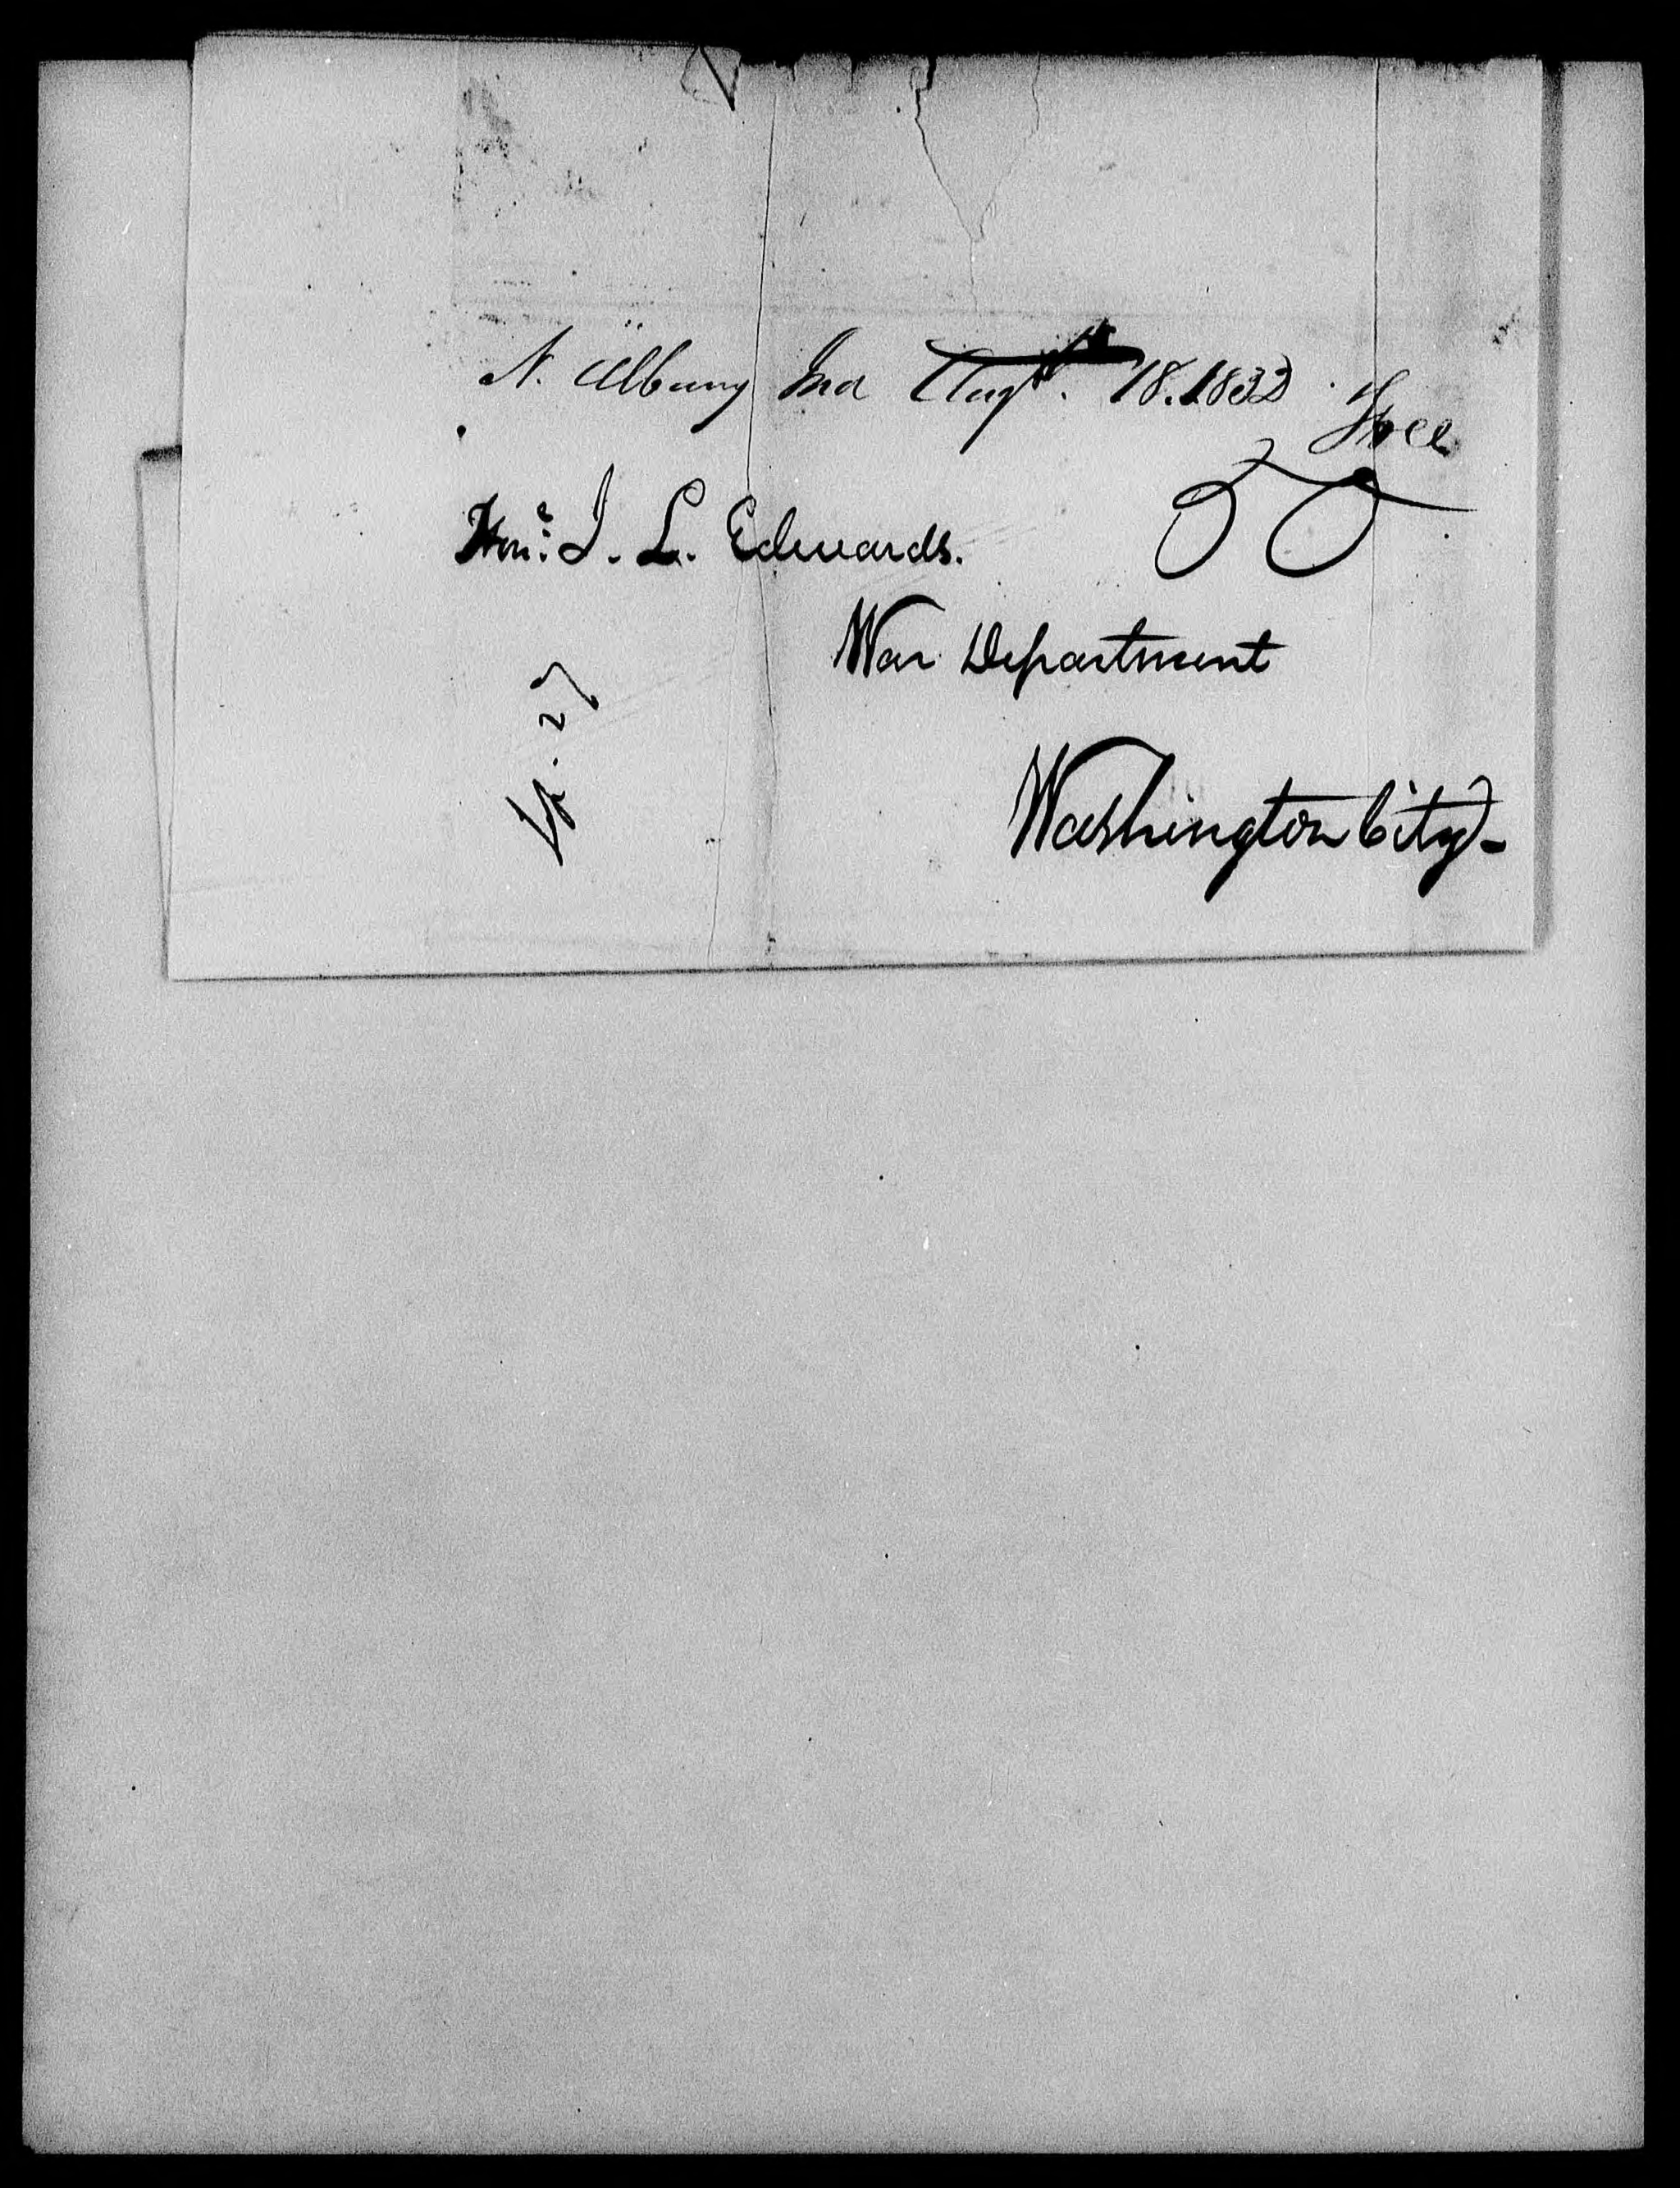N. Albany Ind Aug 18, 1832

Free
50

Hon. J L Edwards
War Department
Washington City

[   ] 2 )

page: 16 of 17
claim: survivor's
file: S. 16889, for Epaphras Jones, Connecticut